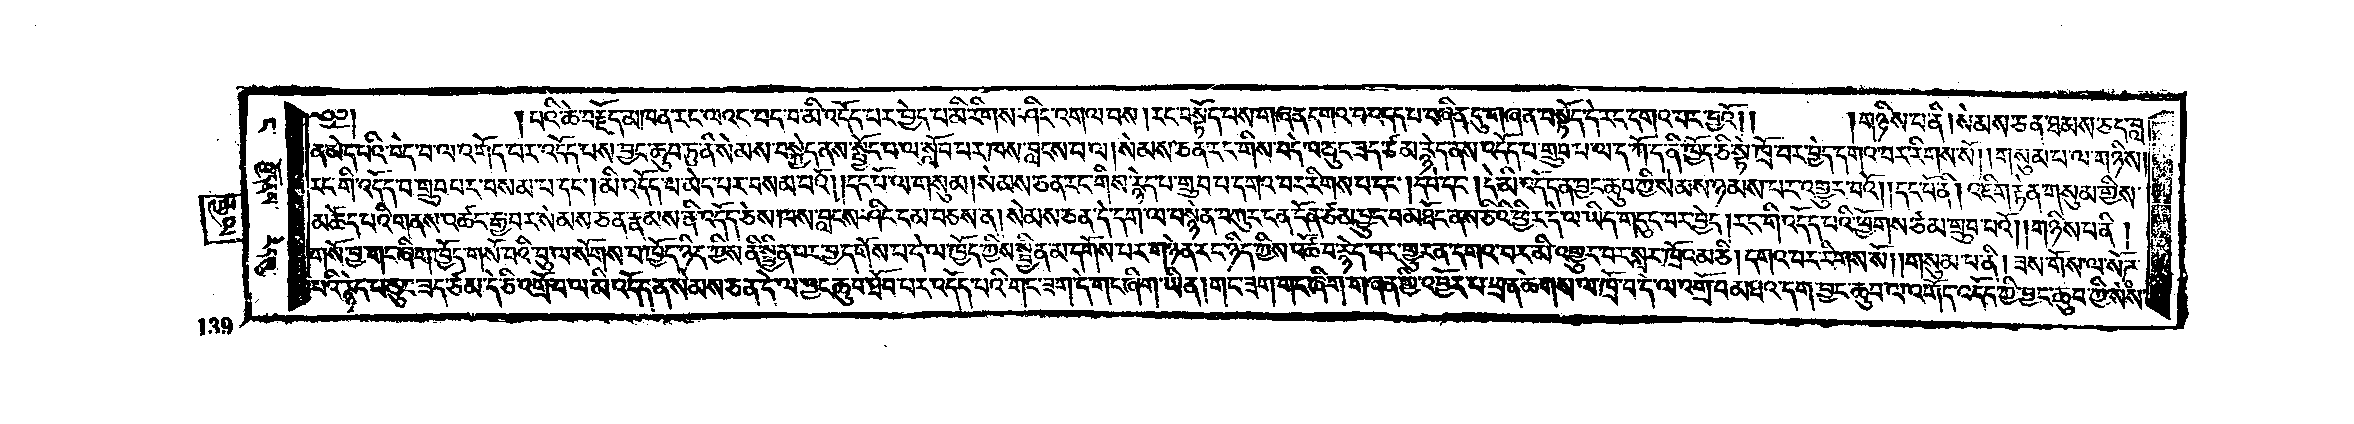༄༅། །པའི་ཆེ་བརྗོད་མཁན་རང་ལའང་བདེ་བ་མི་འདོད་པར་བྱེད་པ་མི་རིགས་ཤིང་འགལ་བས། རང་བསྟོད་པས་གཞན་དགའ་བར་དད་པ་བཞིན་དུ་གཞན་བསྟོད་དེ་རང་དགའ་བར་བྱའོ།། །གཉིས་པ་ནི། སེམས་ཅན་ཐམས་ཅད་བླ་
ན་མེད་པའི་བདེ་བ་ལ་འགོད་པར་འདོད་པས་བྱང་ཆུབ་ཏུ་ནི་སེམས་བསྐྱེད་ནས་སྤྱོད་པ་ལ་སློབ་པར་ཁས་བླངས་པ་ལ། སེམས་ཅན་རང་གིས་བདེ་བ་ཅུང་ཟད་ཙམ་རྙེད་ནས་འདོད་པ་གྲུབ་པ་ལ་ད?་ཀོ་ད?་ནི་ཁྲོ་བར་བྱེད་དགའ་བར་རིགས་སོ། །གསུམ་པ་ལ་གཉིས།
རང་གི་འདོད་པ་གྲུབ་པར་བསམ་པ་དང་། མི་འདོད་པ་མེད་པར་བསམ་པའོ། །དང་པོ་ལ་གསུམ། སེམས་ཅན་རང་གིས་རྙེད་པ་གྲུབ་པ་དགའ་བར་རིགས་པ་དང་། དཔེ་དང་། དེ་མི་འདོད་ན་བྱང་ཆུབ་ཀྱི་སེམས་ཉམས་པར་འགྱུར་བའོ། །དང་པོ་ནི། འཇིག་རྟེན་གསུམ་གྱིས་
མཆོད་པའི་གནས་འཚང་རྒྱ་བར་སེམས་ཅན་རྣམས་ནི་འདོད་ཅེས་ཁས་བླངས་ཤིང་དམ་བཅས་ན། སེམས་ཅན་དེ་དག་ལ་བསྙེན་བཀུར་དན་དོན་ཙམ་བྱུང་བ་མཐོང་ནས་ཅིའི་ཕྱིར་དེ་ལ་ཡིད་གདུང་བར་བྱེད། རང་གི་འདོད་པའི་ཕྱོགས་ཙམ་གྲུབ་པའོ། །གཉིས་པ་ནི།
གསོ་བྱ་གང་ཞིག་ཁྱོད་གསོ་བའི་བུ་ལ་སོགས་པ་ཁྱོད་ཉིད་ཀྱིས་ནི་སྦྱིན་པར་བྱ་དགོས་པ་དེ་ལ་ཁྱོད་ཀྱིས་སྦྱིན་མ་དགོས་པར་གཉེན་རང་ཉིད་ཀྱིས་འཚོ་བ་རྙེད་པར་གྱུར་ན་དགའ་བར་མི་འགྱུར་བར་སླར་ཁྲོའམ་ཅི། དགའ་བར་རིགས་སོ། །གསུམ་པ་ནི། ཟས་གོས་ལ་སོགས་
པའི་རྙེད་པ་ཅུང་ཟད་ཙམ་དེ་ཅི་འགྲོ་བ་ལ་མི་འདོད་ན་སེམས་ཅན་དེ་ལ་བྱང་ཆུབ་ཐོབ་པར་འདོད་པའི་གང་ཟག་དེ་གང་ཞིག་ཡིན། གང་ཟག་གང་ཞིག་གཞན་གྱི་འབྱོར་བ་ཕྲན་ཆོགས་ལ་ཁྲོ་བ་དེ་ལ་འགྲོ་བ་མཐའ་དག་བྱང་ཆུབ་ལ་འགོད་འདོད་ཀྱི་བྱང་ཆུབ་སེམས་སེམས་